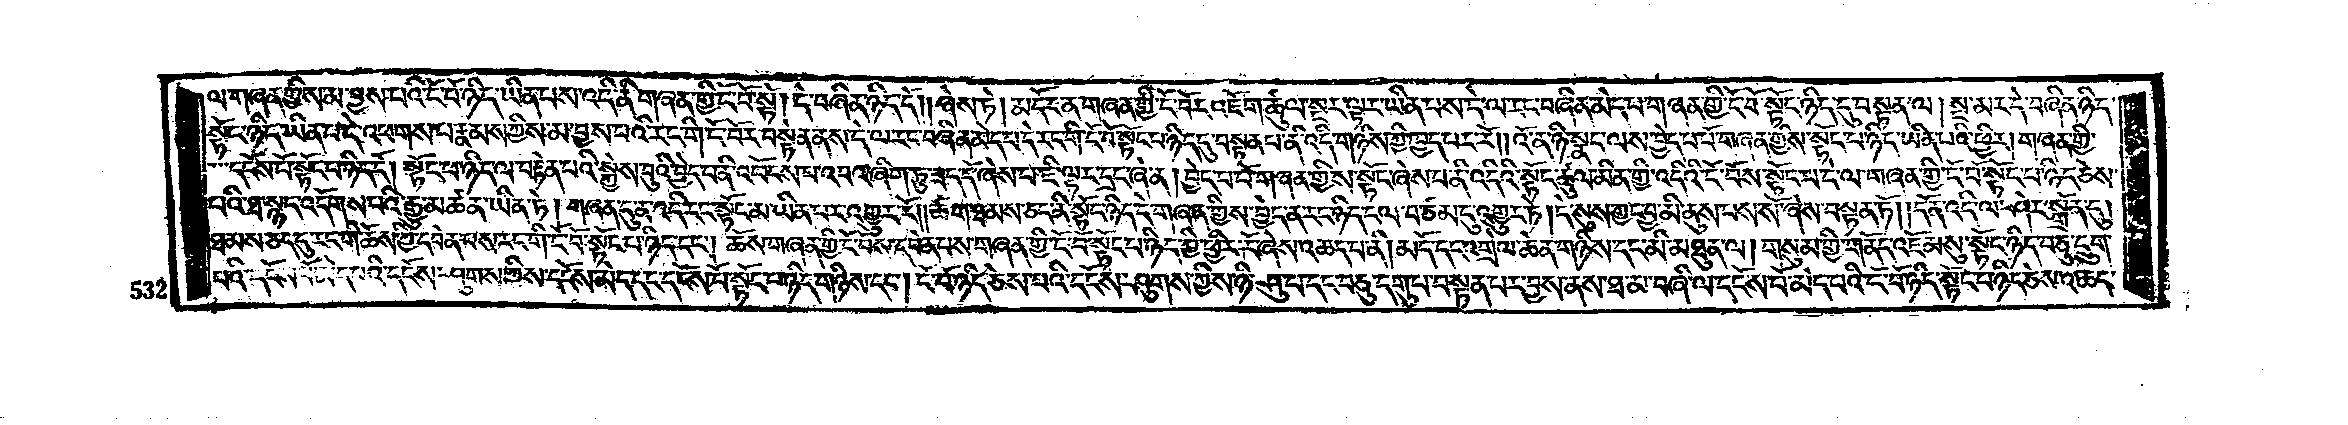ལ་གཞན་གྱིས་མ་བྱས་པའི་ངོ་བོ་ཉིད་ཡིན་པས་འདི་ནི་གཞན་གྱི་ངོ་བོ་སྟེ། དེ་བཞིན་ཉིད་དོ། །ཞེས་ཏེ། མདོར་ན་གཞན་གྱི་ངོ་བོར་འཇོག་ཚུལ་སྔར་ལྟར་ཡིན་པས་དེ་ལ་རང་བཞིན་མེད་པ་གཞན་གྱི་ངོ་བོ་སྟོང་ཉིད་དུ་བསྟན་ལ། སྔ་མར་དེ་བཞིན་ཉིད་
སྟོང་ཉིད་ཡིན་པ་དེ་འཕགས་པ་རྣམས་ཀྱིས་མ་བྱས་པའི་རང་གི་ངོ་བོར་བསྟེན་ནས་དེ་ལ་རང་བཞིན་མེད་པ་དེ་རང་གི་ངོ་བོ་སྟོང་པ་ཉིད་དུ་བསྟན་པ་ནི་འདི་གཉིས་ཀྱི་ཁྱད་པར་རོ། །འོ་ན་ཉི་སྣང་ལས་བྱེད་པ་པོ་གཞན་གྱིས་སྟོང་པ་ཉིད་ཡིན་པའི་ཕྱིར། གཞན་གྱི་
དངོས་པོ་སྟོང་པ་ཉིད་དེ། སྟོང་པ་ཉིད་ལ་བརྟེན་པའི་སྐྱེས་བུའི་བྱེད་པ་ནི་འཕོངས་པ་འབའ་ཞིག་ཏུ་ཟད་དོ་ཞེས་པ་ཇི་ལྟར་དྲང་ཞེ་ན། བྱེད་པ་པོ་གཞན་གྱིས་སྟོང་ཞེས་པ་ནི་འདིའི་སྟོང་ཚུལ་མིན་གྱི་འདིའི་ངོ་བོས་སྟོང་པ་དེ་ལ་གཞན་གྱི་ངོ་བོ་སྟོང་པ་ཉིད་ཅེས་
པའི་ཐ་སྙད་འདོགས་པའི་རྒྱུ་མཚན་ཡིན་ཏེ། གཞན་དུ་ན་འདི་རང་སྟོང་མ་ཡིན་པར་འགྱུར་རོ། །ཚིག་ཐམས་ཅད་ནི་སྟོང་ཉིད་དེ་གཞན་གྱིས་བྱེད་ན་རང་ཉིད་ངལ་བ་ཙམ་དུ་འགྱུར་ཏེ། དེ་སུས་ཀྱང་བྱ་མི་ནུས་པས་སོ་ཞེས་བསྟན་ཏོ། །དོན་འདི་ལ་ཤེར་སྒྲོན་དུ།
ཐམས་ཅད་དུ་རང་གི་ཆོས་ཀྱི་དབེན་པས་རང་གི་ངོ་བོ་སྟོང་པ་ཉིད་དང་། ཆོས་གཞན་གྱི་ངོ་བོས་དབེན་པས་གཞན་གྱི་ངོ་བོ་སྟོང་པ་ཉིད་ཀྱི་ཕྱིར་རོ་ཞེས་འཆད་པ་ནི། མདོ་དང་འགྲེལ་ཆེན་གཉིས་དང་མི་མཐུན་ལ། གསུམ་གྱི་གནོད་འཇོམས་སུ་སྟོང་ཉིད་བཅུ་དྲུག་
པའི་དངོས་པོ་མེད་པའི་དངོས་ཤུགས་ཀྱིས་དངོས་མེད་དང་དངོས་པོ་སྟོང་པ་ཉིད་གཉིས་དང་། ངོ་བོ་ཉིད་ཅེས་པའི་དངོས་ཤུགས་ཀྱིས་ཉི་ཤུ་པ་དང་བཅུ་དགུ་པ་བསྟན་པར་བྱས་ནས་ཐ་མ་བཞི་ལ་དངོས་པོ་མེད་པའི་ངོ་བོ་ཉིད་སྟོང་པ་ཉིད་ཅེས་འཆད་